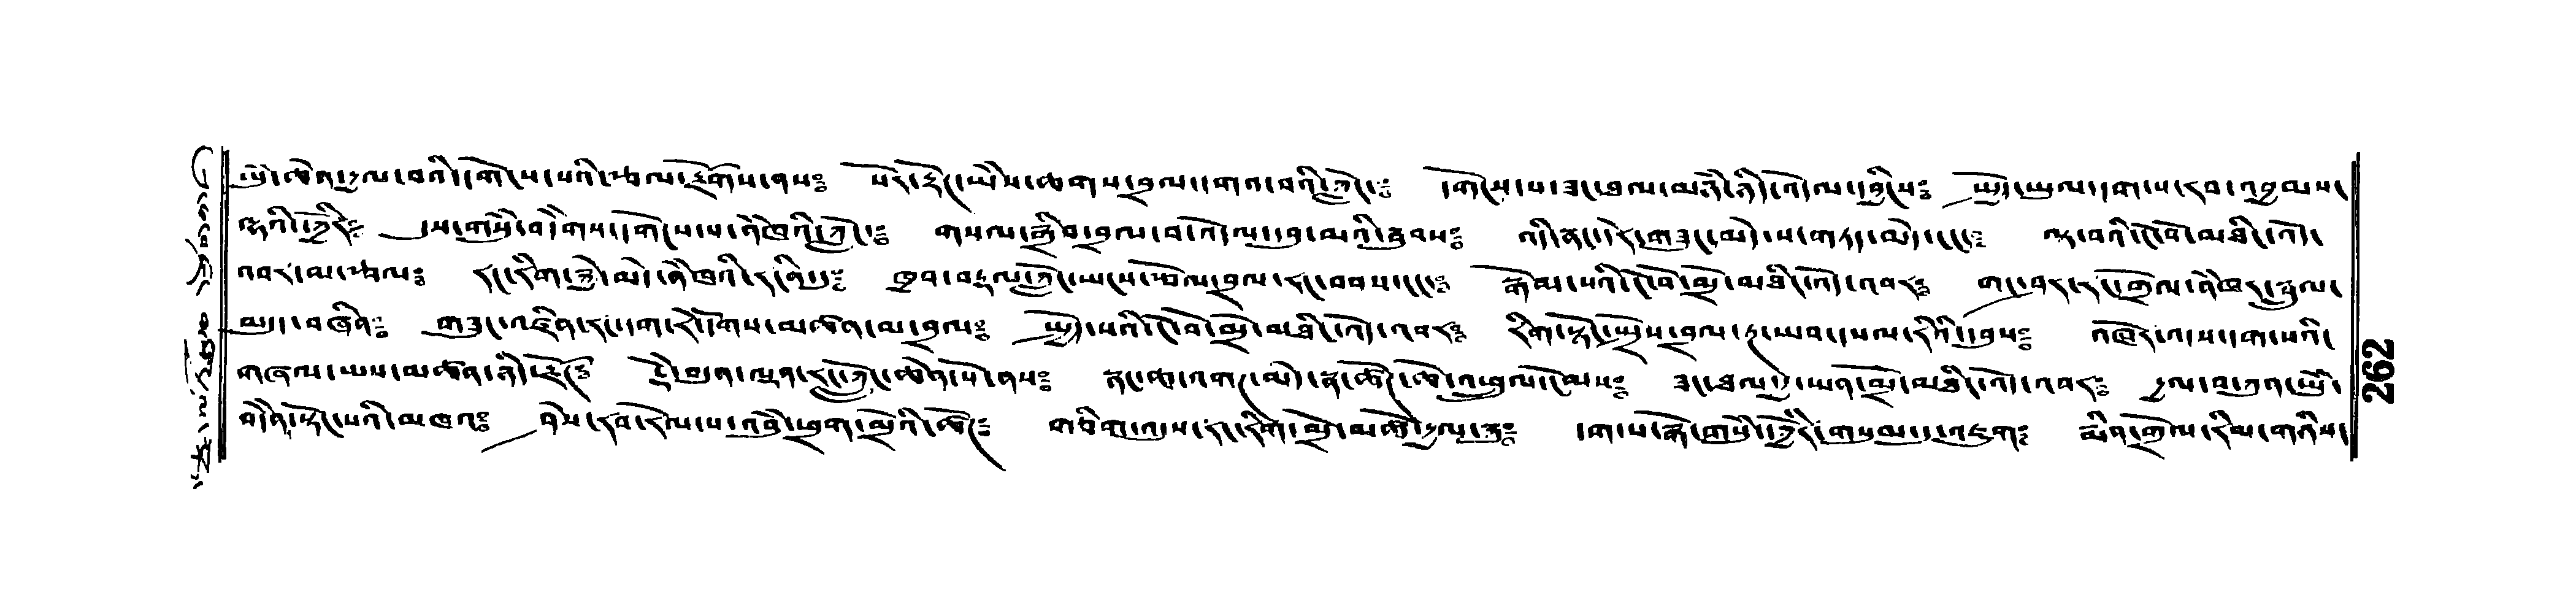ཡུམ་ཆེན་རྒྱལ་བའི་དགོངས་པའི་རྩལ་རྫོགས་ནས༔ སོར་རྟོགས་ཡེ་ཤེས་ཆགས་བྲལ་དགའ་བའི་ཀློང༔ དགོངས་པ་ཟང་ཐལ་མཉམ་ཉིད་འོད་གསལ་དབྱིངས༔ སྤྱོད་ཡུལ་དག་པ་རབ་འབྱམས་
ལྷའི་དཀྱིལ་འཁོར༔ དུས་གསུམ་བདེ་གཤེགས་དགོངས་པ་ནམ་མཁའི་ཀློང༔ གསལ་སྒྲིབ་བྲལ་བ་འོད་གསལ་དབུ་མའི་སྦུབས༔ འདི་སྣང་དེར་གཟུང་མེད་པ་གཏད་མེད་ངང༔ ལྟ་བའི་ངོ་བོ་མཐིང་འོད་
འབར་མ་རྩལ༔ རང་རིག་སྐྱེ་མེད་ནམ་མཁའི་རང་བཞིན་དུ༔ ཁྱབ་བརྡལ་ཀློང་ཡངས་རྩོལ་བྲལ་རང་བབས་ངང༔ སྒོམ་པའི་ངོ་བོ་མཁའ་འགྲོ་མཐིང་འོད་འབར༔ གང་ཤར་རང་གྲོལ་ནམ་མཁར་སྦྲུལ་
མདུད་བཞིན༔ གཟུང་འཛིན་རང་དག་རེ་དོགས་མཚན་མ་བྲལ༔ སྤྱོད་པའི་ངོ་བོ་མཁའ་འགྲོ་མཐིང་འོད་འབར༔ རིག་སྟོང་སྤྲོས་བྲལ་རྔ་ཡབ་དཔལ་རིའི་དབུས༔ འཁོར་འདས་དག་པའི་
གཞལ་ཡས་མཚན་ཉིད་རྫོགས༔ རྡོ་རྗེ་བདུན་ལྡན་རང་ཀློང་ཆེན་པོ་ནས༔སྣང་ཆ་འགགས་མེད་སྣ་ཚོགས་ཆོ་འཕྲུལ་ངོམས༔ ཟང་ཐལ་རྒྱ་ཡན་མཁའ་འགྲོ་མཐིང་འོད་འབར༔ རྒྱལ་བ་ཀུན་ཡུམ་
བདེ་ཆེན་སྟོང་པའི་མཁའ༔ ཤེས་རབ་རོལ་པ་འབུམ་ཕྲག་མཁའ་འགྲོའི་ཚོགས༔ གཅིག་འདུས་རང་རིག་མཁའ་འགྲོ་མཚོ་རྒྱལ་སྐུ༔ དག་པ་སྒོ་གསུམ་དཀྱིལ་འཁོར་གསུམ་དུ་འཇུག༔ སྨིན་གྲོལ་རིམ་གཉིས་